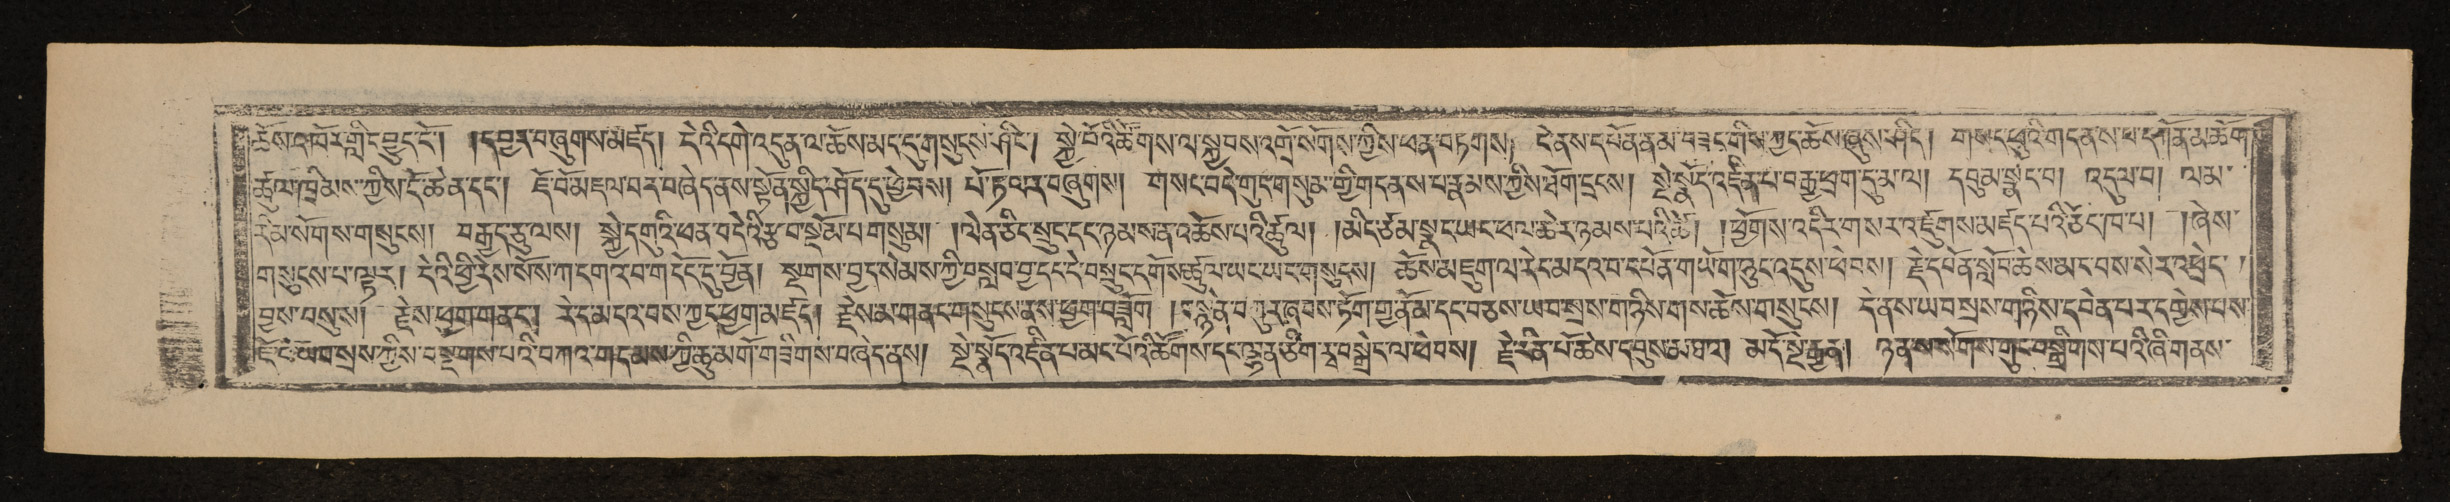ཆོས་འཁོར་གླིང་བྱུང་ངོ། །དབྱར་བཞུགས་མཛད། དེའི་དགེ་འདུན་ལ་ཆོས་མང་དུ་གསུངས་ཤིང་། སྐྱེ་བོའི་ཚོགས་ལ་སྐྱབས་འགྲོ་སོགས་ཀྱིས་ཕན་བཏགས། དེ་ནས་དཔོན་ནམ་བཟང་གིས་ཀྱང་ཆོས་ཞུས་ཤིང་། གསང་ཕུའི་གདན་ས་པ་དཀོན་མཆོག་
ཚུལ་ཁྲིམས་ཀྱིས་ངོ་ཆེན་དང་། ཇོ་བོ་མཇལ་བར་བཞེད་ནས་སྟོན་སྐྱིད་ཤོད་དུ་ཕེབས། པོ་ཏ་ལར་བཞུགས། གསང་བདེ་གུང་གསུམ་གྱི་གདན་ས་པ་རྣམས་ཀྱིས་ཐོག་དྲངས། སྡེ་སྣོད་འཛིན་པ་བརྒྱ་ཕྲག་དུ་མ་ལ། དབུ་མ་སྣང་བ། འདུལ་བ། ལམ་
རིམ་སོགས་གསུངས། བརྒྱད་ཅུ་ལས། སྐྱེ་དགུའི་ཕན་བདེའི་རྩ་བ་སྡོམ་པ་གསུམ། །ལེན་ཅིང་སྲུང་དང་ཉམས་ན་འཆོས་པའི་ཚུལ། །མིང་ཙམ་སྣང་ཡང་ཕལ་ཆེར་ཉམས་པའི་ཚེ། །ཕྱོགས་འདིར་གསར་འཛུགས་མཛད་པའི་ཙོང་ཁ་པ། །ཞེས་
གསུངས་པ་ལྟར། དེའི་ཕྱི་རེས་སོས་ཀ་དགའ་ང་གདོང་དུ་བྱོན། སྔགས་བྱང་སེམས་ཀྱི་བསླབ་བྱ་དང་དེ་བསྲུང་དགོས་ཚུལ་ཡང་ཡང་གསུངས། ཆོས་མཇུག་ལ་རེད་མདའ་བ་དཔོན་གཡོག་ཉུང་འདུས་ཕེབས། རྗེ་དཔོན་སློབ་ཆེས་མང་བས་སེར་འཕྲེང་
བྱས་བསུས། རྗེས་ཕྱག་གནང་། རེད་མདའ་བས་ཀྱང་ཕྱག་མཛད། རྗེས་མ་གནང་གསུངས་ནས་ཕྱག་བཟློག །བསྙེན་བཀུར་ཞབས་ཏོག་གྱ་ནོམ་དང་བཅས་ཡབ་སྲས་གཉིས་ཀས་ཆོས་གསུངས། དེ་ནས་ཡབ་སྲས་གཉིས་དབེན་པར་དགྱེས་པས་
ཇོ་བོ་ཡབ་སྲས་ཀྱིས་བསྔགས་པའི་བཀའ་གདམས་ཀྱི་ཆུ་མགོ་གཟིགས་བཞེད་ནས། སྡེ་སྣོད་འཛིན་པ་མང་པོའི་ཚོགས་དང་ལྷན་ཅིག་རྭ་བསྒྲེང་ལ་ཕེབས། རྗེ་རིན་པོ་ཆེས་དབུས་མཐའ། མདོ་སྡེ་རྒྱན། ཉན་ས་སོགས་གུང་བསྒྲིགས་པའི་ཞི་གནས་